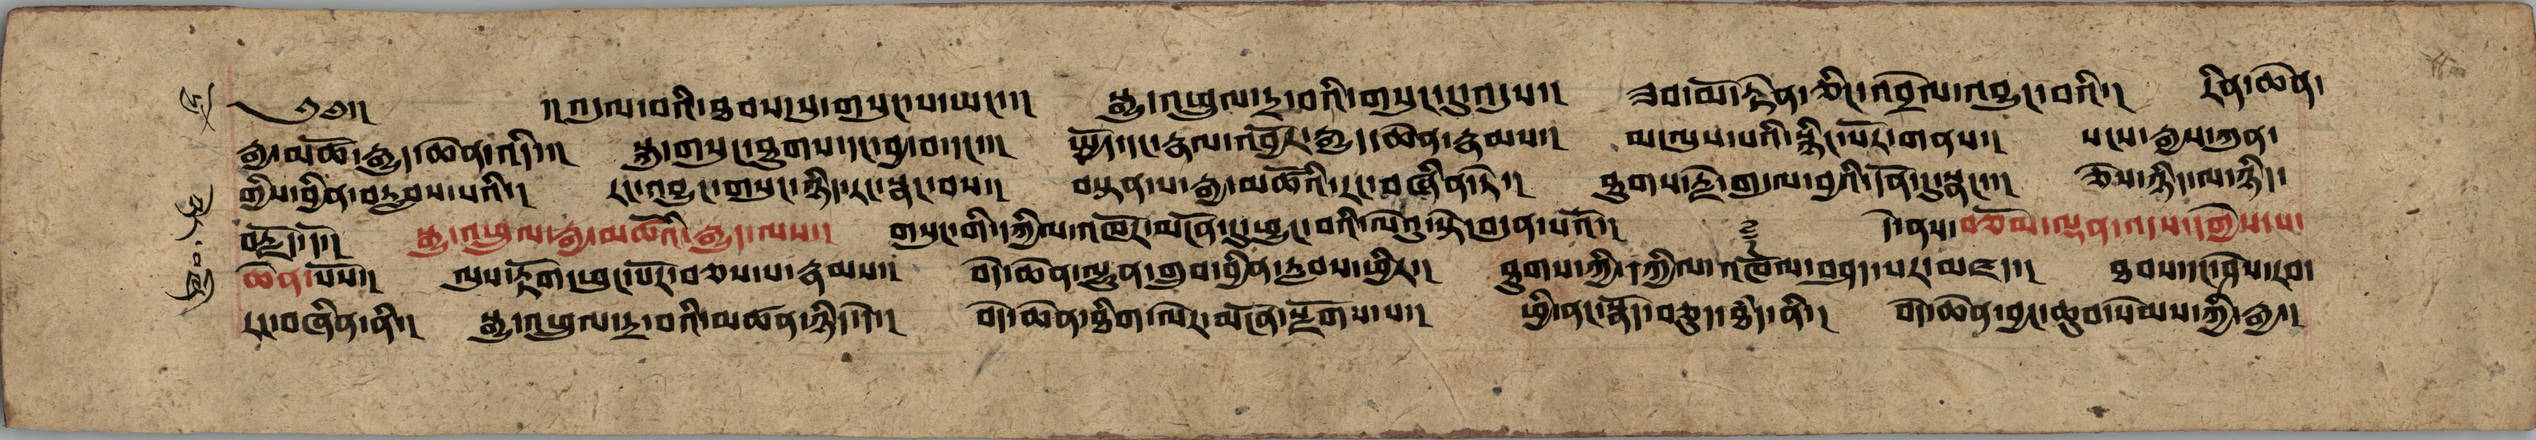༄༅་། ་།འདུལ་བའི་ཐབས་སུ་གསུང་པ་ཡང་་། སྒྱུ་འཕྲུལ་དྲ་བའི་གསུང་དུ་འདུས་། ཟབ་མོ་རྟེན་ཅིང་འབྲེལ་འབྱུང་བའི་། རིན་ཆེན་
རྒྱ་མཚོ་རྒྱུད་ཆེན་འདི་། སྐུ་གསུང་ཐུགས་དང་བྱ་བ་དང་་། སྤྱོད་དང་རྣལ་འབྱོར་རྒྱུད་ཆེན་རྣམས་། མ་ལུས་པའི་སྙིང་པོར་གནས་། སངས་རྒྱས་ཀུན་
གྱིས་བྱིན་བརླབས་པའི་། རང་འབྱུང་གསུང་ཉིད་རང་སྣང་བས་། བསྟན་པ་རྒྱ་མཚོའི་རང་བཞིན་ཏེ་། ཐུགས་རྗེ་གདུལ་བྱའི་དོན་དུ་སྣང་་། ཅེས་ཉིད་ལ་ཉིད་
བརྗོད་དོ་། སྒྱུ་འཕྲུལ་རྒྱ་མཚོའི་རྒྱུད་ལས་། གསུང་གི་དཀྱིལ་འཁོར་མངོན་དུ་ཕྱུང་བའི་ལེའུ་སྟེ་བདུན་པའོ་། ࿑ དེ་ནས་བཅོམ་ལྡན་འདས་དགྱེས་པ་
ཆེན་པོས་། ལུས་རྟོག་ཕུང་པོར་བཅས་པ་རྣམས་། བདེ་ཆེན་ལྷུན་གྲུབ་བྱིན་རླབས་ཕྱིར་། ཐུགས་ཀྱི་དཀྱིལ་འཁོར་བཤད་པར་མཛད་། ཐབས་དང་ཤེས་རབ་
རང་བཞིན་ནི་། སྒྱུ་འཕྲུལ་དྲ་བའི་མཚན་ཉིད་དེ་། བདེ་ཆེན་ཐིག་ལེར་མངོན་སྫོགས་པ་། ཕྱི་ནང་སྣོད་བཅུད་ཐཾད་ནི་། བདེ་ཆེན་བྱང་ཆུབ་སེམས་ཀྱི་རྒྱ་།